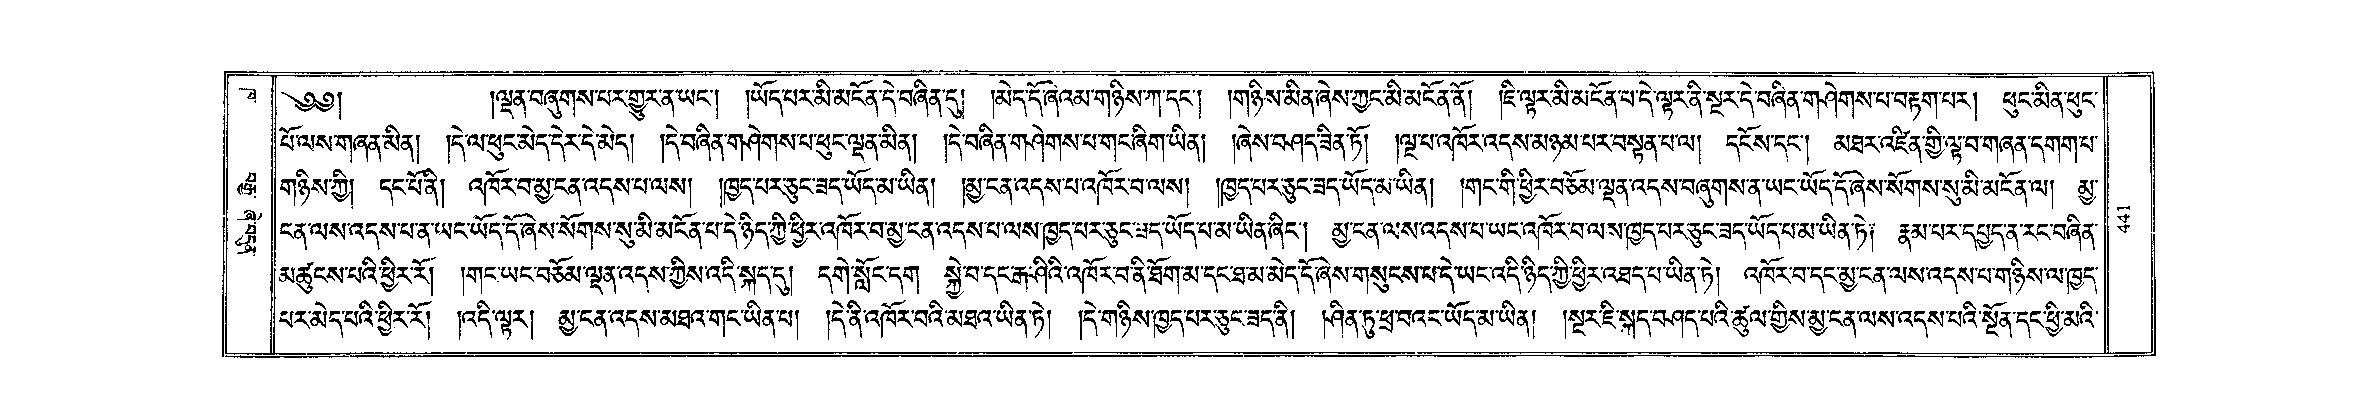༄༅། །ལྡན་བཞུགས་པར་གྱུར་ན་ཡང་། །ཡོད་པར་མི་མངོན་དེ་བཞིན་དུ། །མེད་དོ་ཞེའམ་གཉིས་ཀ་དང་། །གཉིས་མིན་ཞེས་ཀྱང་མི་མངོན་ནོ། །ཇི་ལྟར་མི་མངོན་པ་དེ་ལྟར་ནི་སྔར་དེ་བཞིན་གཤེགས་པ་བརྟག་པར། ཕུང་མིན་ཕུང་
པོ་ལས་གཞན་མིན། །དེ་ལ་ཕུང་མེད་དེར་དེ་མེད། །དེ་བཞིན་གཤེགས་པ་ཕུང་ལྡན་མིན། །དེ་བཞིན་གཤེགས་པ་གང་ཞིག་ཡིན། །ཞེས་བཤད་ཟིན་ཏོ། །ལྔ་པ་འཁོར་འདས་མཉམ་པར་བསྟན་པ་ལ། དངོས་དང་། མཐར་འཛིན་གྱི་ལྟ་བ་གཞན་དགག་པ་
གཉིས་ཀྱི། དང་པོ་ནི། འཁོར་བ་མྱ་ངན་འདས་པ་ལས། །ཁྱད་པར་ཅུང་ཟད་ཡོད་མ་ཡིན། །མྱ་ངན་འདས་པ་འཁོར་བ་ལས། །ཁྱད་པར་ཅུང་ཟད་ཡོད་མ་ཡིན། །གང་གི་ཕྱིར་བཅོམ་ལྡན་འདས་བཞུགས་ན་ཡང་ཡོད་དོ་ཞེས་སོགས་སུ་མི་མངོན་ལ། མྱ་
ངན་ལས་འདས་པ་ན་ཡང་ཡོད་དོ་ཞེས་སོགས་སུ་མི་མངོན་པ་དེ་ཉིད་ཀྱི་ཕྱིར་འཁོར་བ་མྱ་ངན་འདས་པ་ལས་ཁྱད་པར་ཅུང་ཟད་ཡོད་པ་མ་ཡིན་ཞིང་། མྱ་ངན་ལས་འདས་པ་ཡང་འཁོར་བ་ལས་ཁྱད་པར་ཅུང་ཟད་ཡོད་པ་མ་ཡིན་ཏེ། རྣམ་པར་དཔྱད་ན་རང་བཞིན་
མཚུངས་པའི་ཕྱིར་རོ། །གང་ཡང་བཅོམ་ལྡན་འདས་ཀྱིས་འདི་སྐད་དུ། དགེ་སློང་དག་སྐྱེ་བ་དང་རྒ་ཤིའི་འཁོར་བ་ནི་ཐོག་མ་དང་ཐ་མ་མེད་དོ་ཞེས་གསུངས་པ་དེ་ཡང་འདི་ཉིད་ཀྱི་ཕྱིར་འཐད་པ་ཡིན་ཏེ། འཁོར་བ་དང་མྱ་ངན་ལས་འདས་པ་གཉིས་ལ་ཁྱད་
པར་མེད་པའི་ཕྱིར་རོ། །འདི་ལྟར། མྱ་ངན་འདས་མཐའ་གང་ཡིན་པ། །དེ་ནི་འཁོར་བའི་མཐའ་ཡིན་ཏེ། །དེ་གཉིས་ཁྱད་པར་ཅུང་ཟད་ནི། །ཤིན་ཏུ་ཕྲ་བའང་ཡོད་མ་ཡིན། །སྔར་ཇི་སྐད་བཤད་པའི་ཚུལ་གྱིས་མྱ་ངན་ལས་འདས་པའི་སྔོན་དང་ཕྱི་མའི་